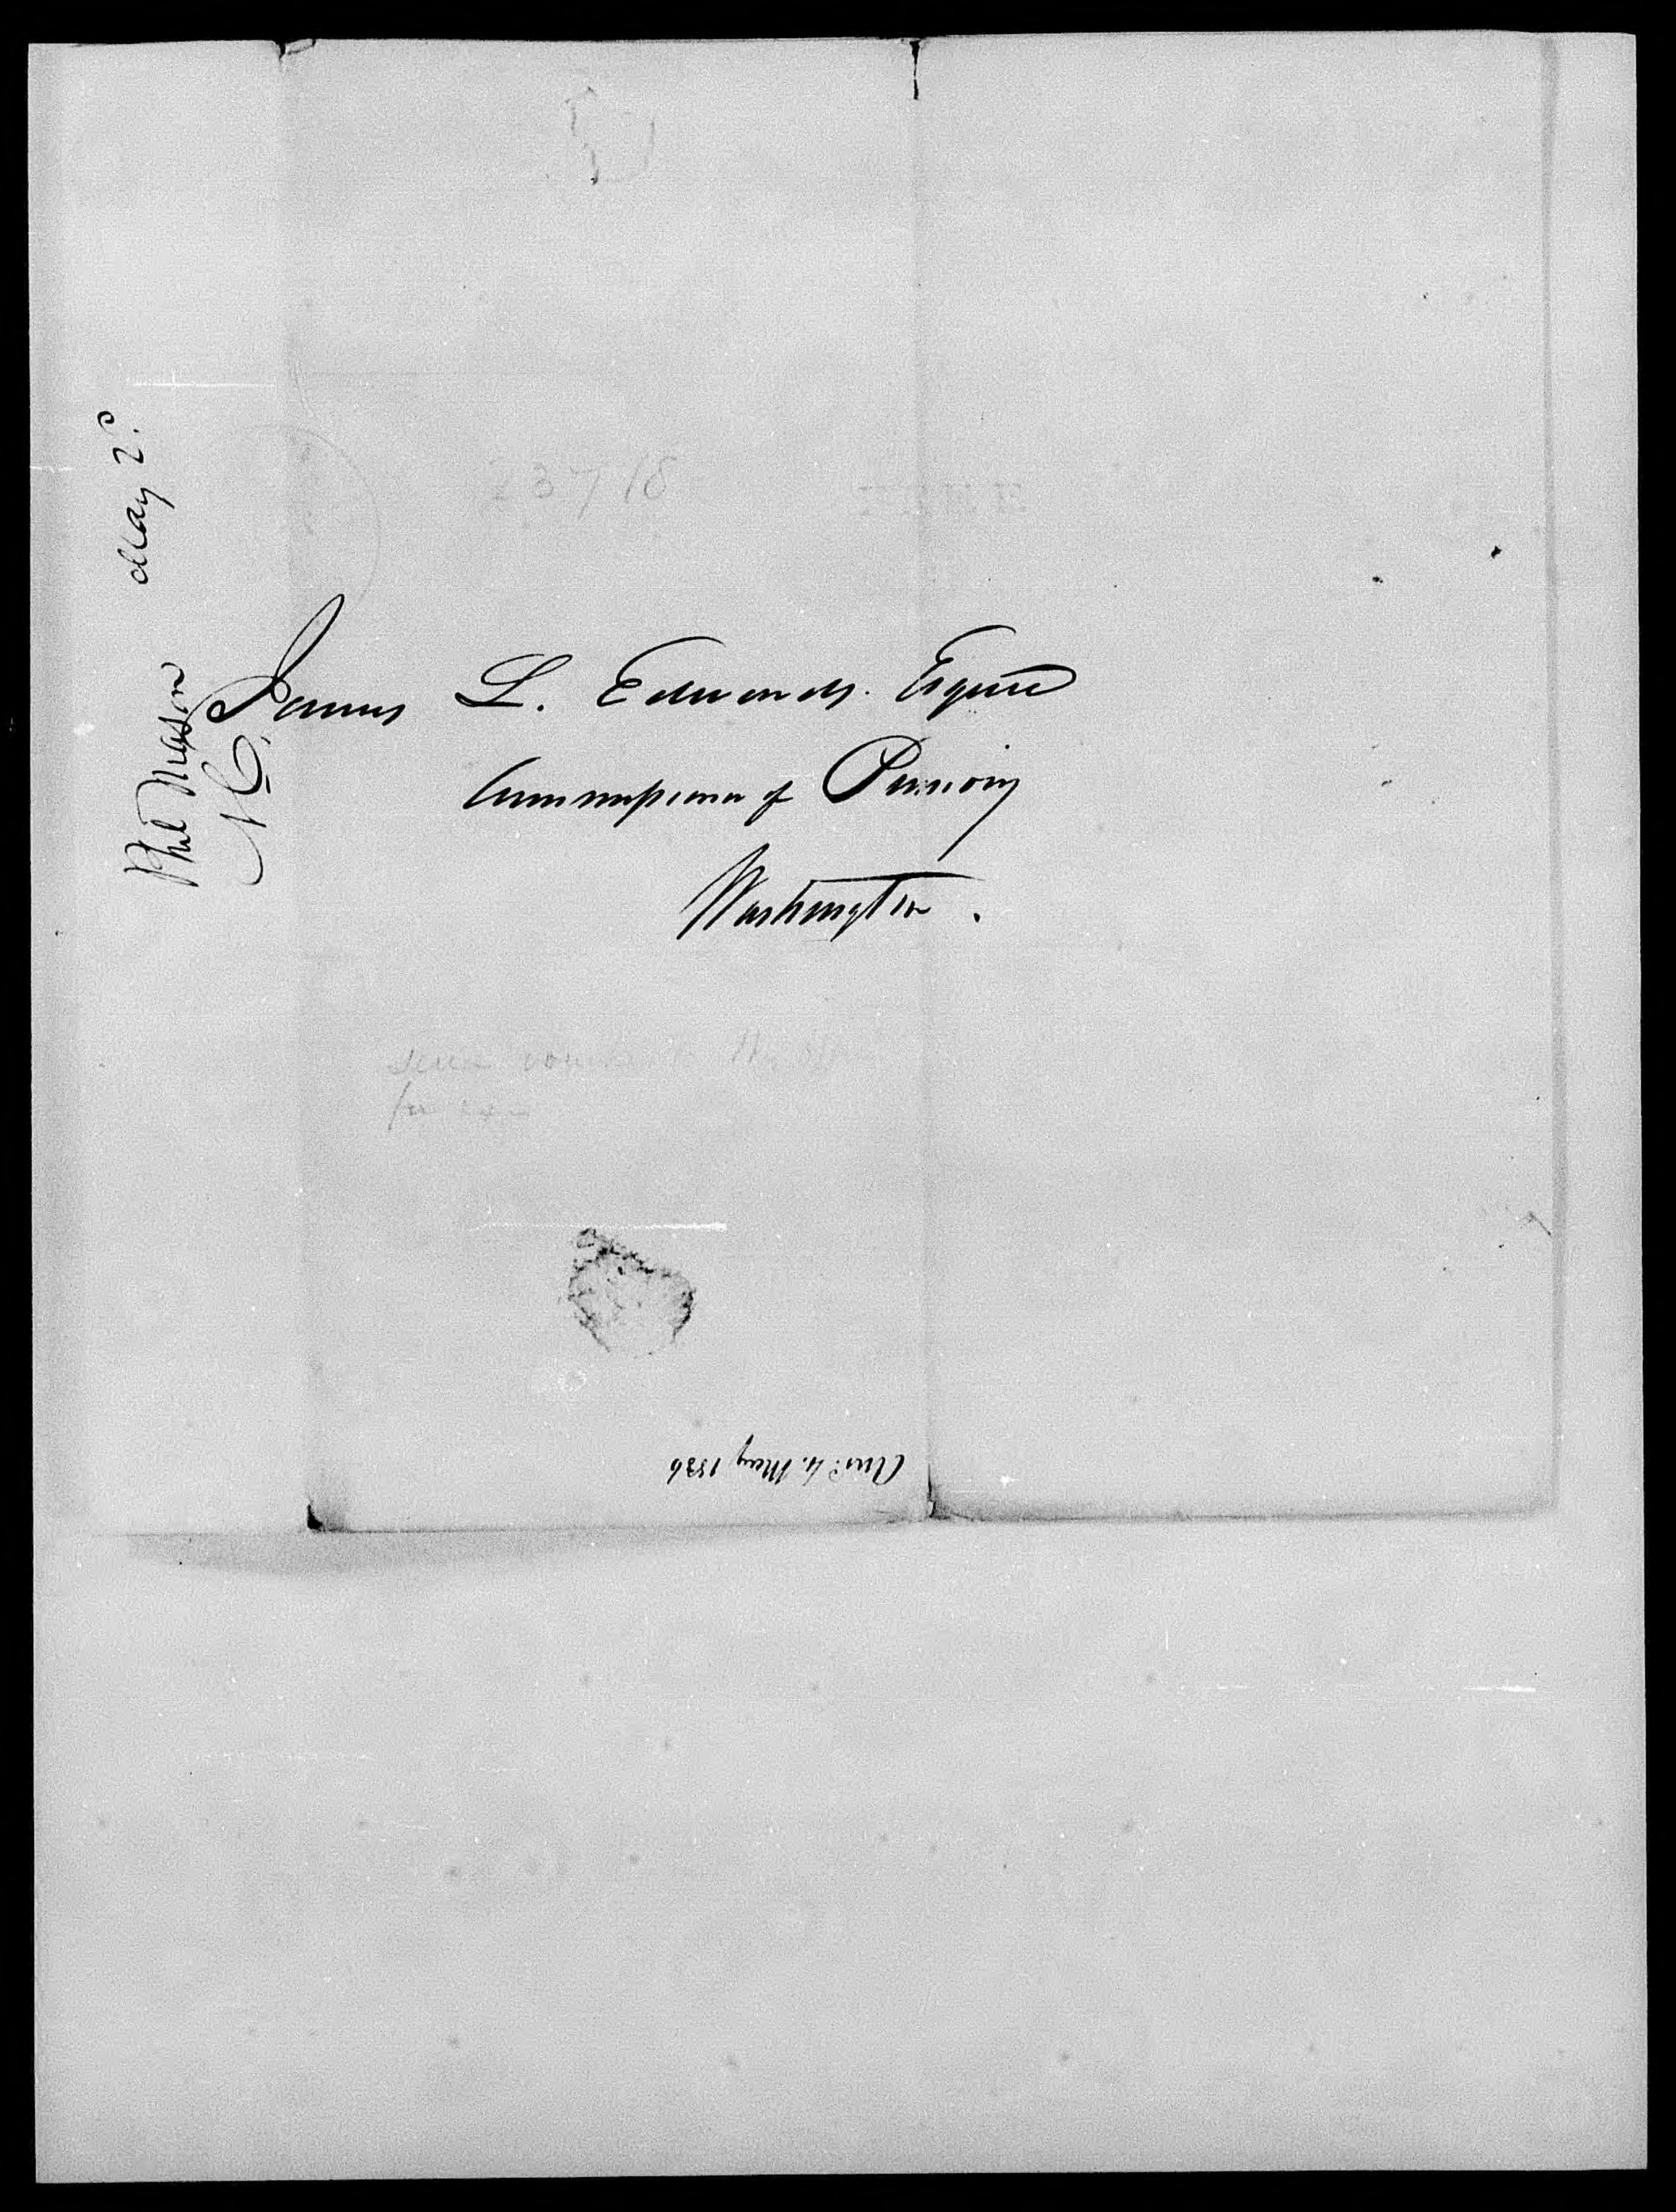May 21
Phil Mason
NC
James L. Edwards Esquire
Commissioner of Pension
Washington
Illegible May 1886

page: 15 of 18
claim: survivor's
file: S. 8,994, for Philip Mason, North Carolina